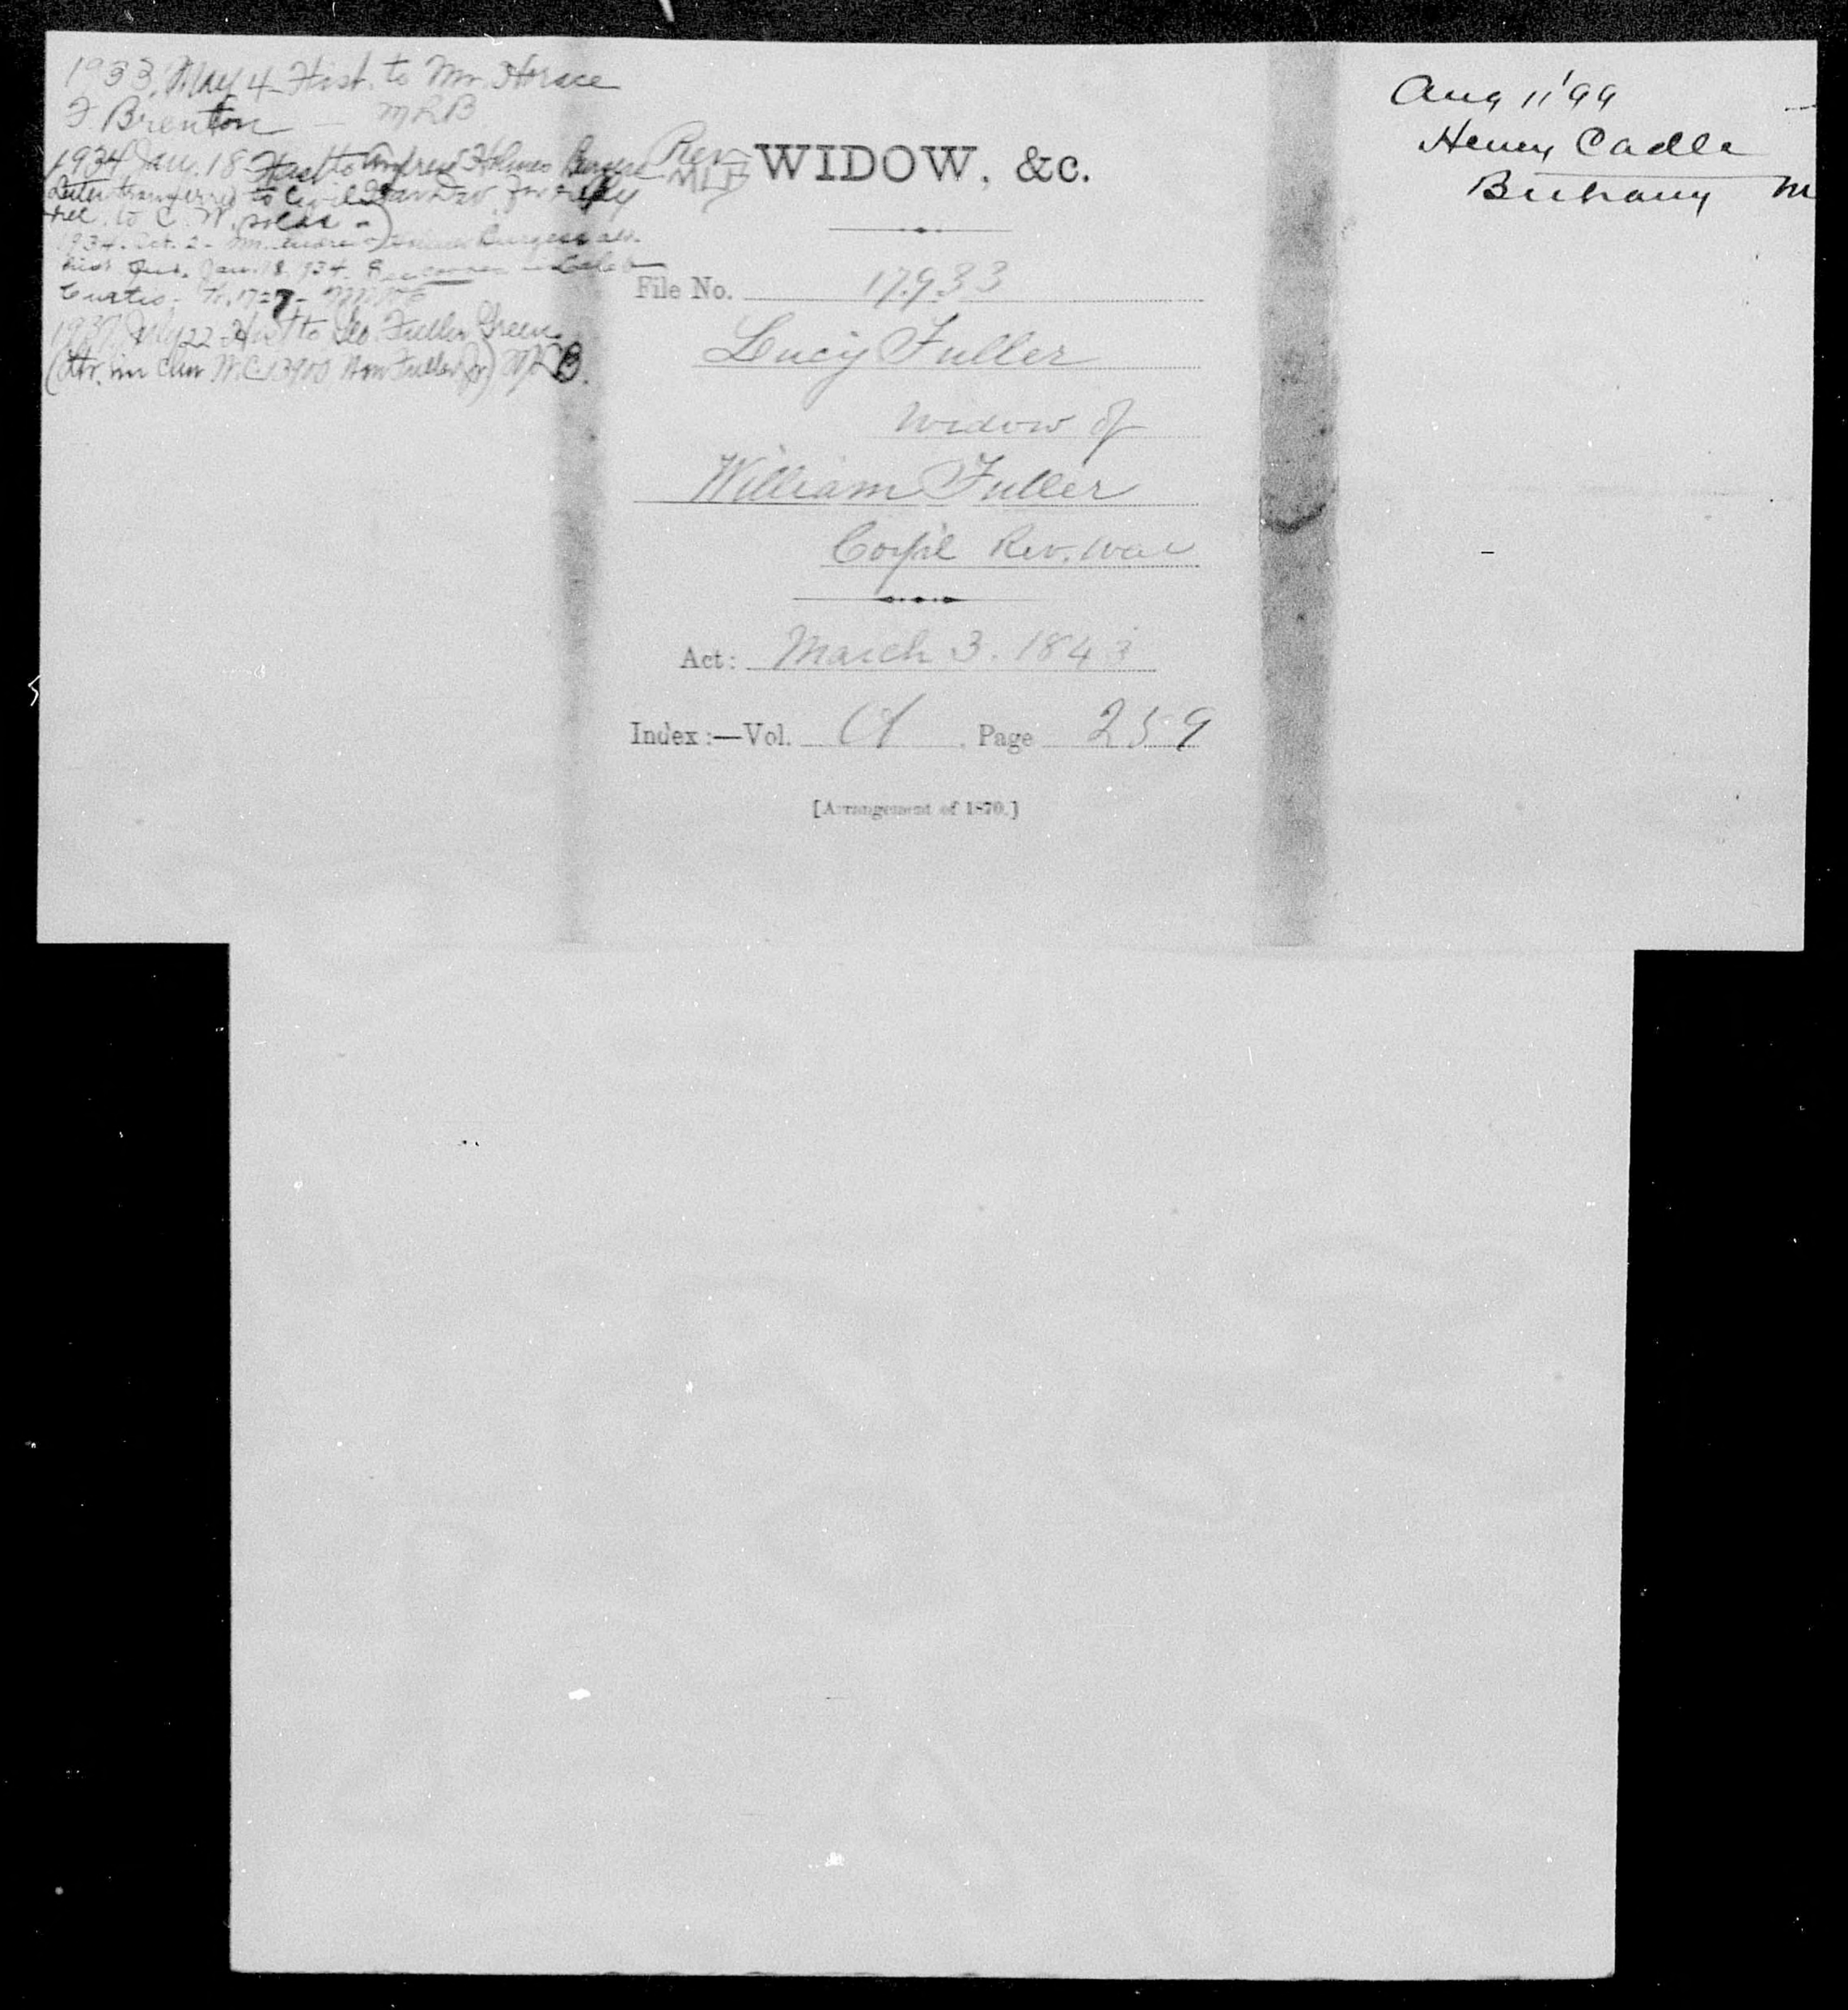[left side of tri-fold]
1933 May 4_Hist. to Mr. Horace
F. Brenton_MLB
1934 Jan. 18 Hist to Andrew Holmes Burgess
Letter transferred to Civil War Dw for reply
Rec. to C.W. Polas
1934 Oct. 2. M. Andre-Horace Burgess at&.
Hist. sent Jan 8, 1934 See corres in file-
Curtis. [illegible], 1727 -MNC
1937 July 22 – Hist to Geo. Fuller Green
(lttr. In chs W.C.13900 Wm Fuller Jr)MLB.
[center section of tri-fold]
Rev MLB
WIDOW, &c.
File No. 17,933
Lucy Fuller
Widow of William Fuller
Corp’l Rev. War
Act: March 3, 1843
Index:-Vol. A, Page 259
(Arrangement of 1870)
[right side of tr-fold]
Aug 11 ’99
Henry Cadle
Bethany M [far right side of page might be missing]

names: Geo Fuller Green, Andrew Holmes, Henry Cadle, Wm Fuller, Andrew Holmes Burgess, Lucy Fuller, Horace F Brenton, William Fuller, Caleb Curtis, C W Bolas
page: 45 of 45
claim: widow's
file: W. 17933, William Fuller, Mass